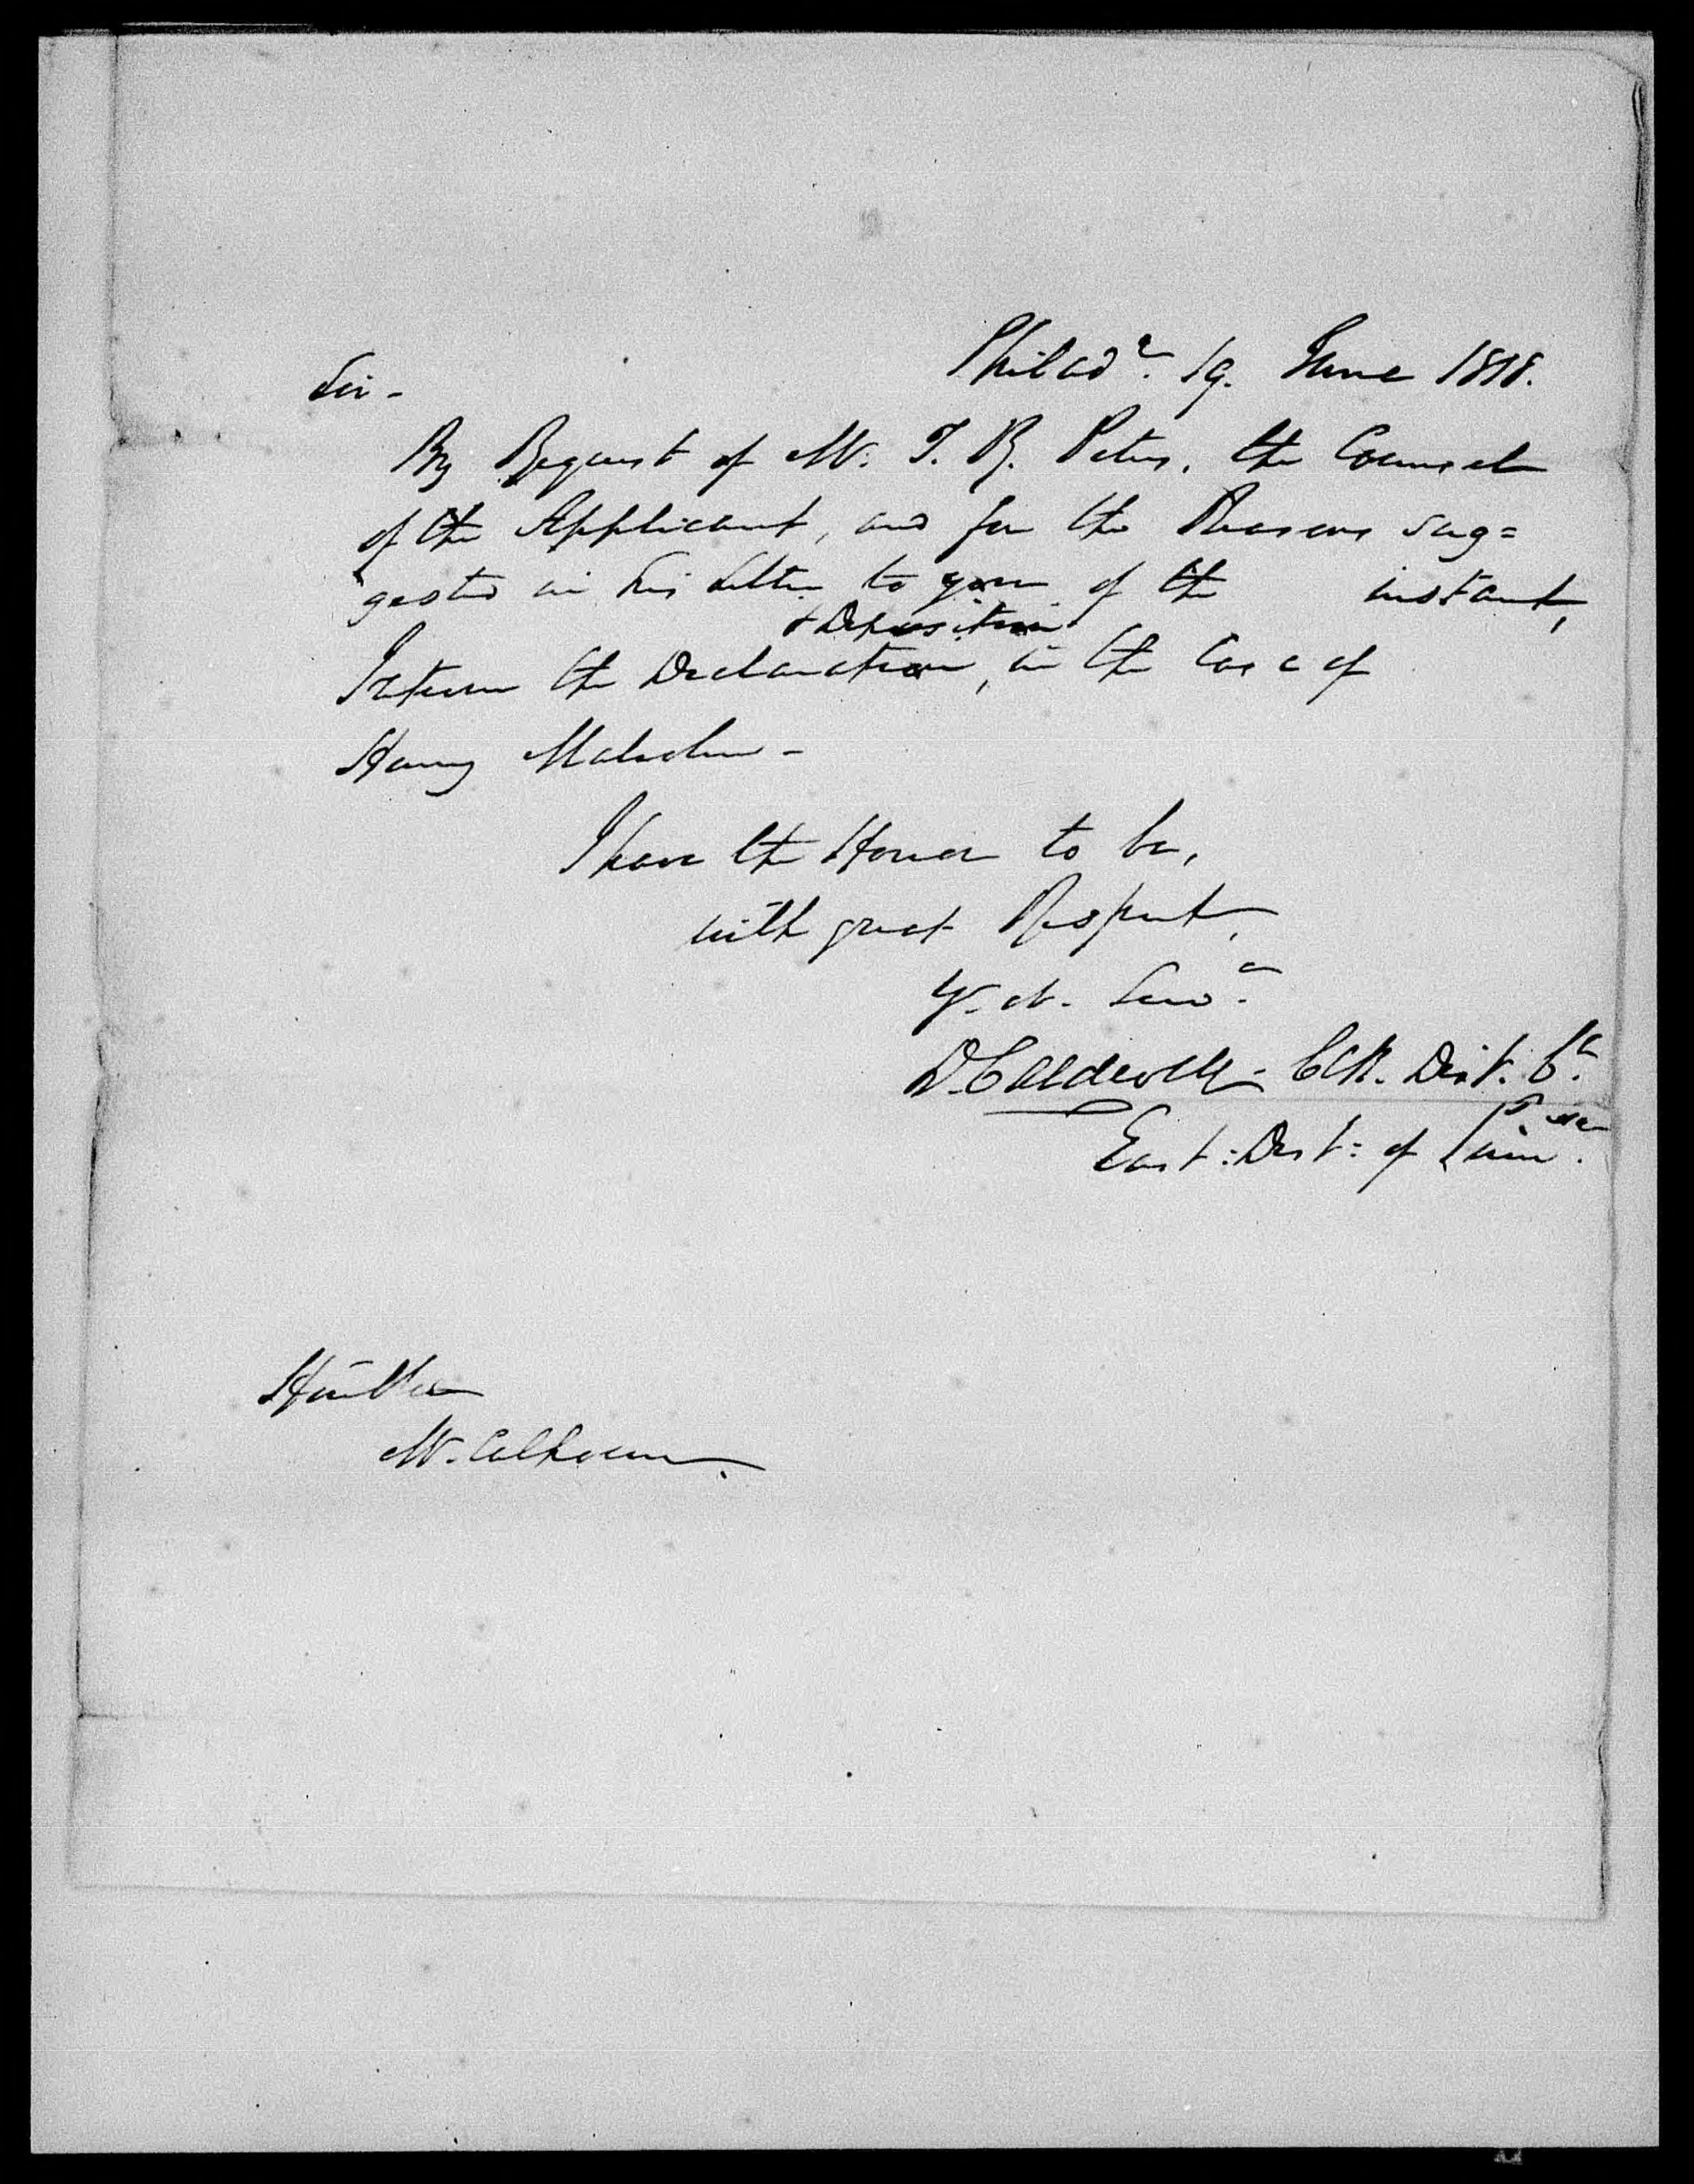Philadl. [Philadelphia] 19. June 1818.
Sir -
By request of Mr. J. B. Peters the Counsel of the Applicant, and for the Reasons suggested in his letter to you of the instant, I return the Declaration & Deposition  in the case of Henry Malcolm - 
I have the Honor to be, with great Respect, 
yr ob. Servt. [Your obedient Servant]
D. Caldwell Clk Dist [Clerk District] Ct.
East Dist [District] of Penn. [illegible]

Honble [Honorable] Mr. Calhoun.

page: 17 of 28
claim: survivor's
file: S. 5,048, for Henry Malcolm